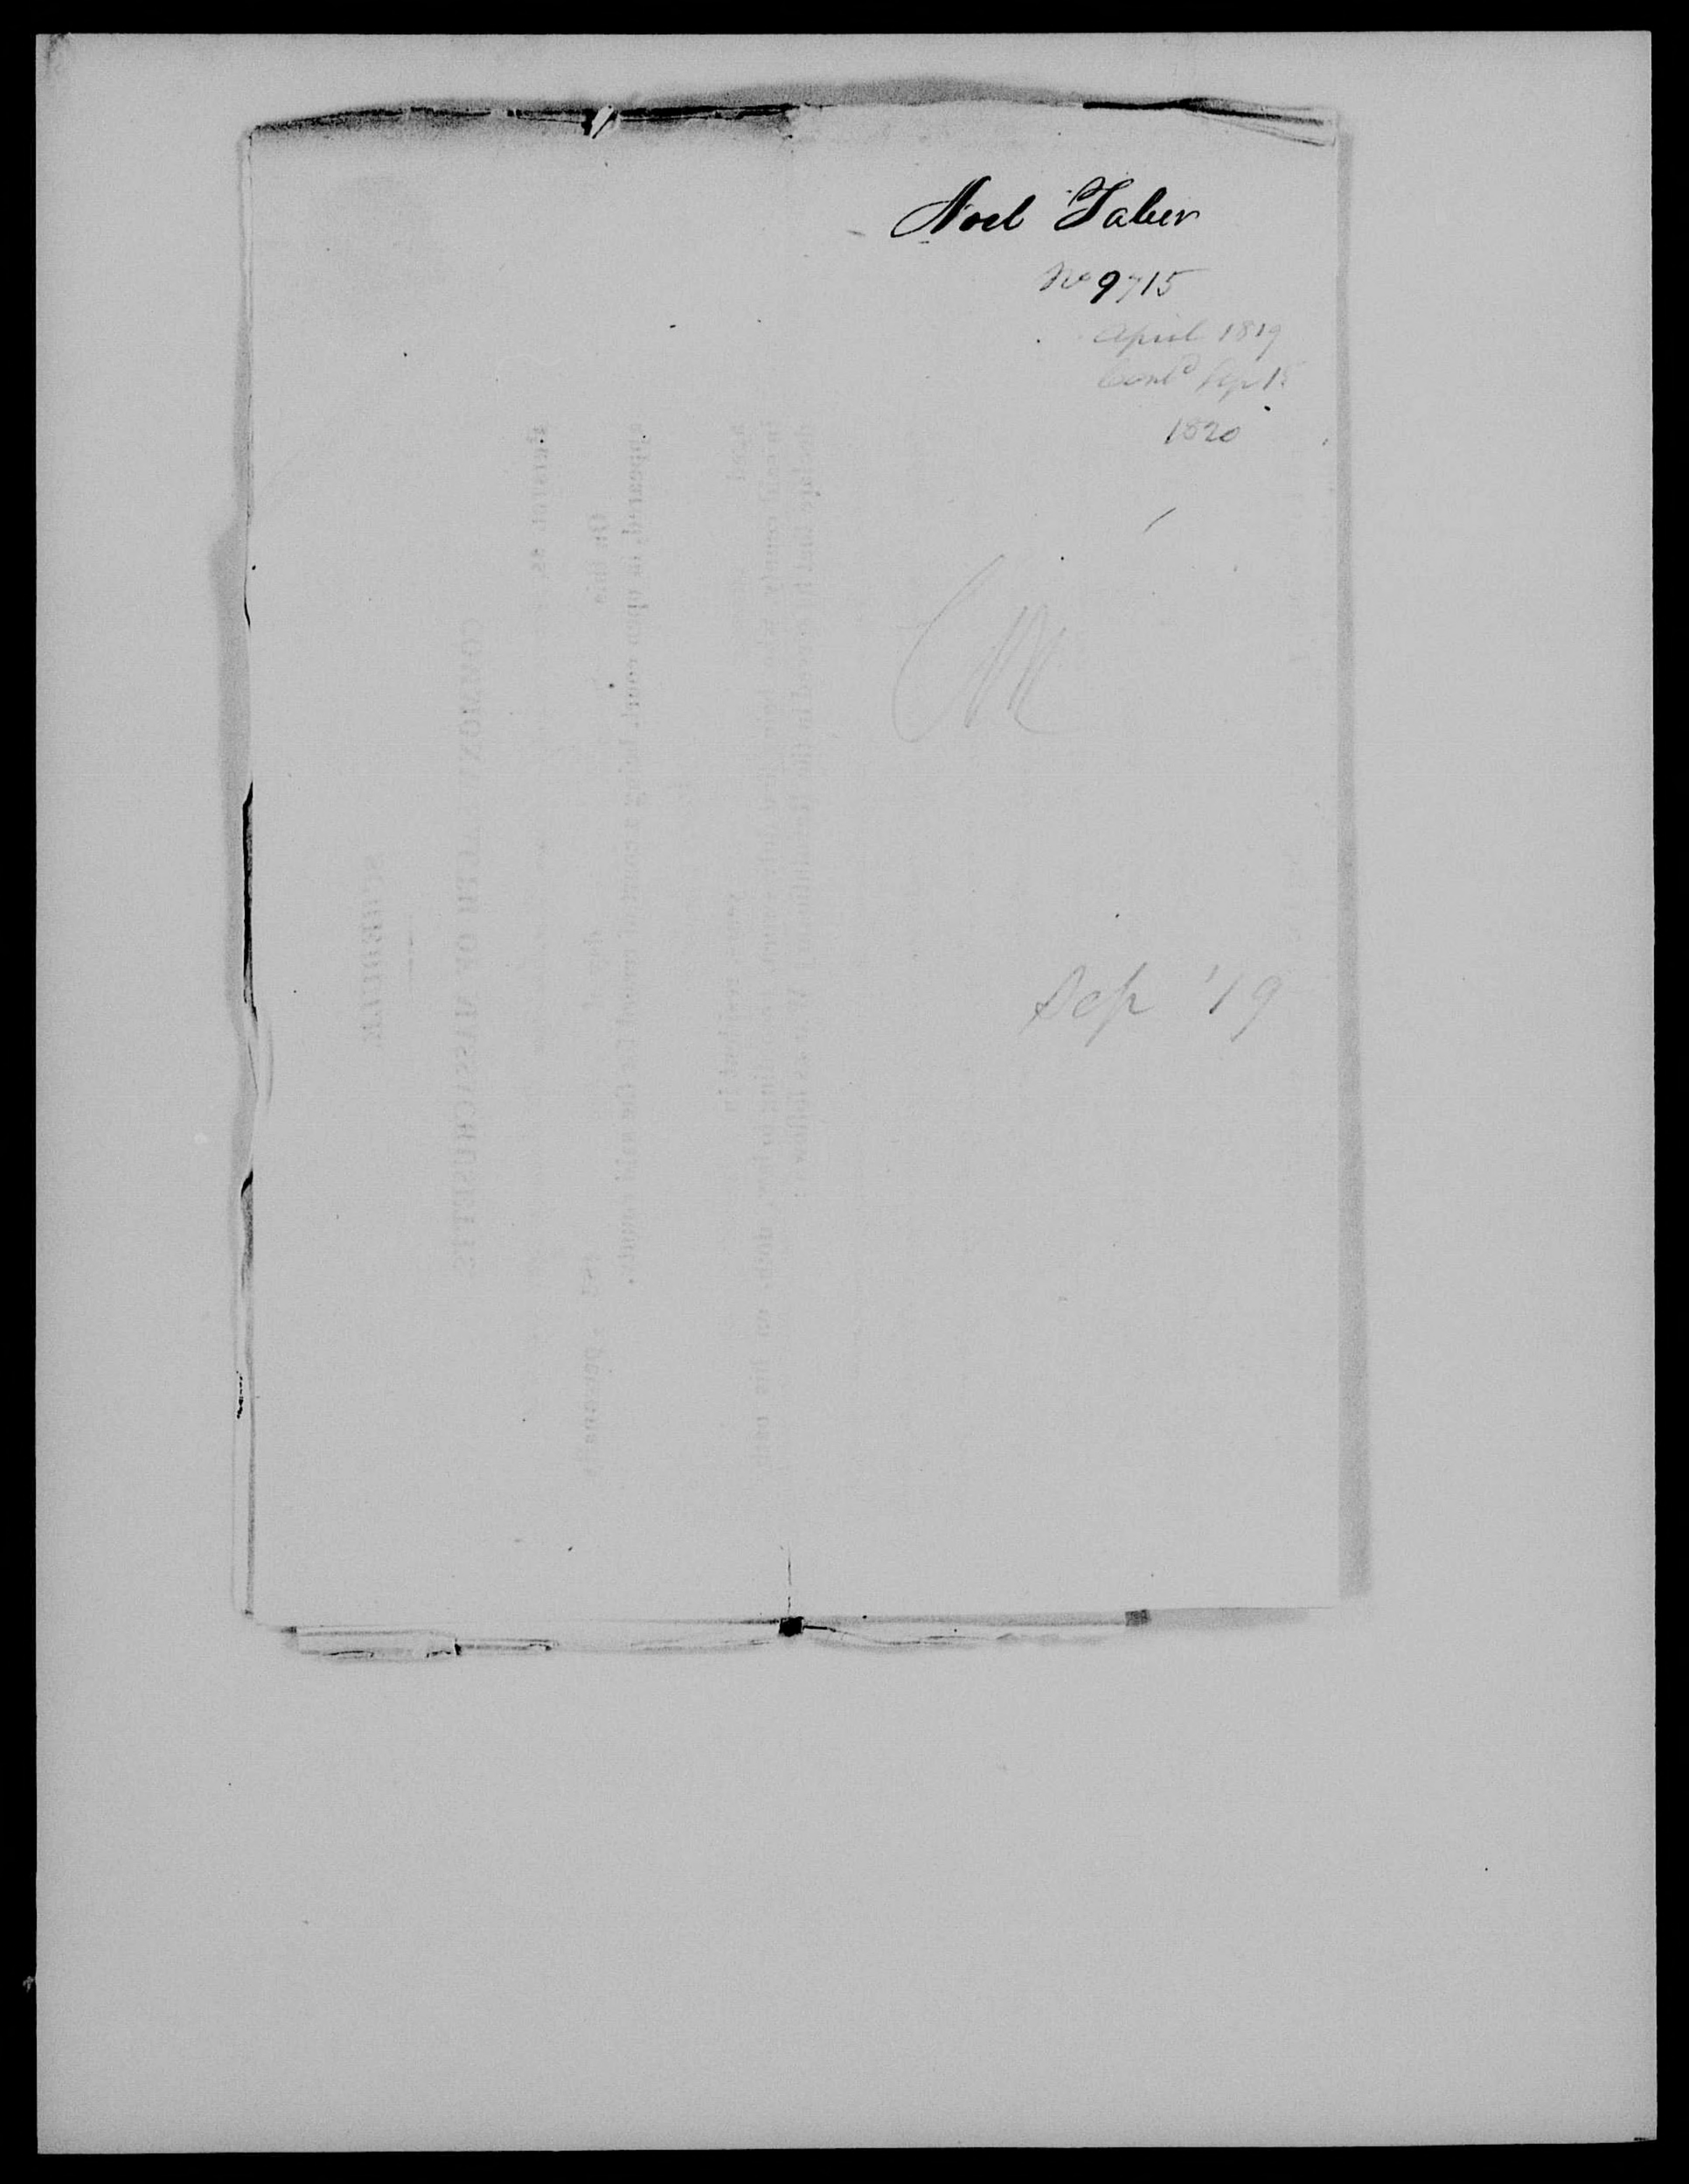Noel Taber
No 9715
April 1819
[illegible] Apr 1[illegible]
1820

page: 7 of 22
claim: survivor's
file: S 33777, for Noel Taber, Rhode Island